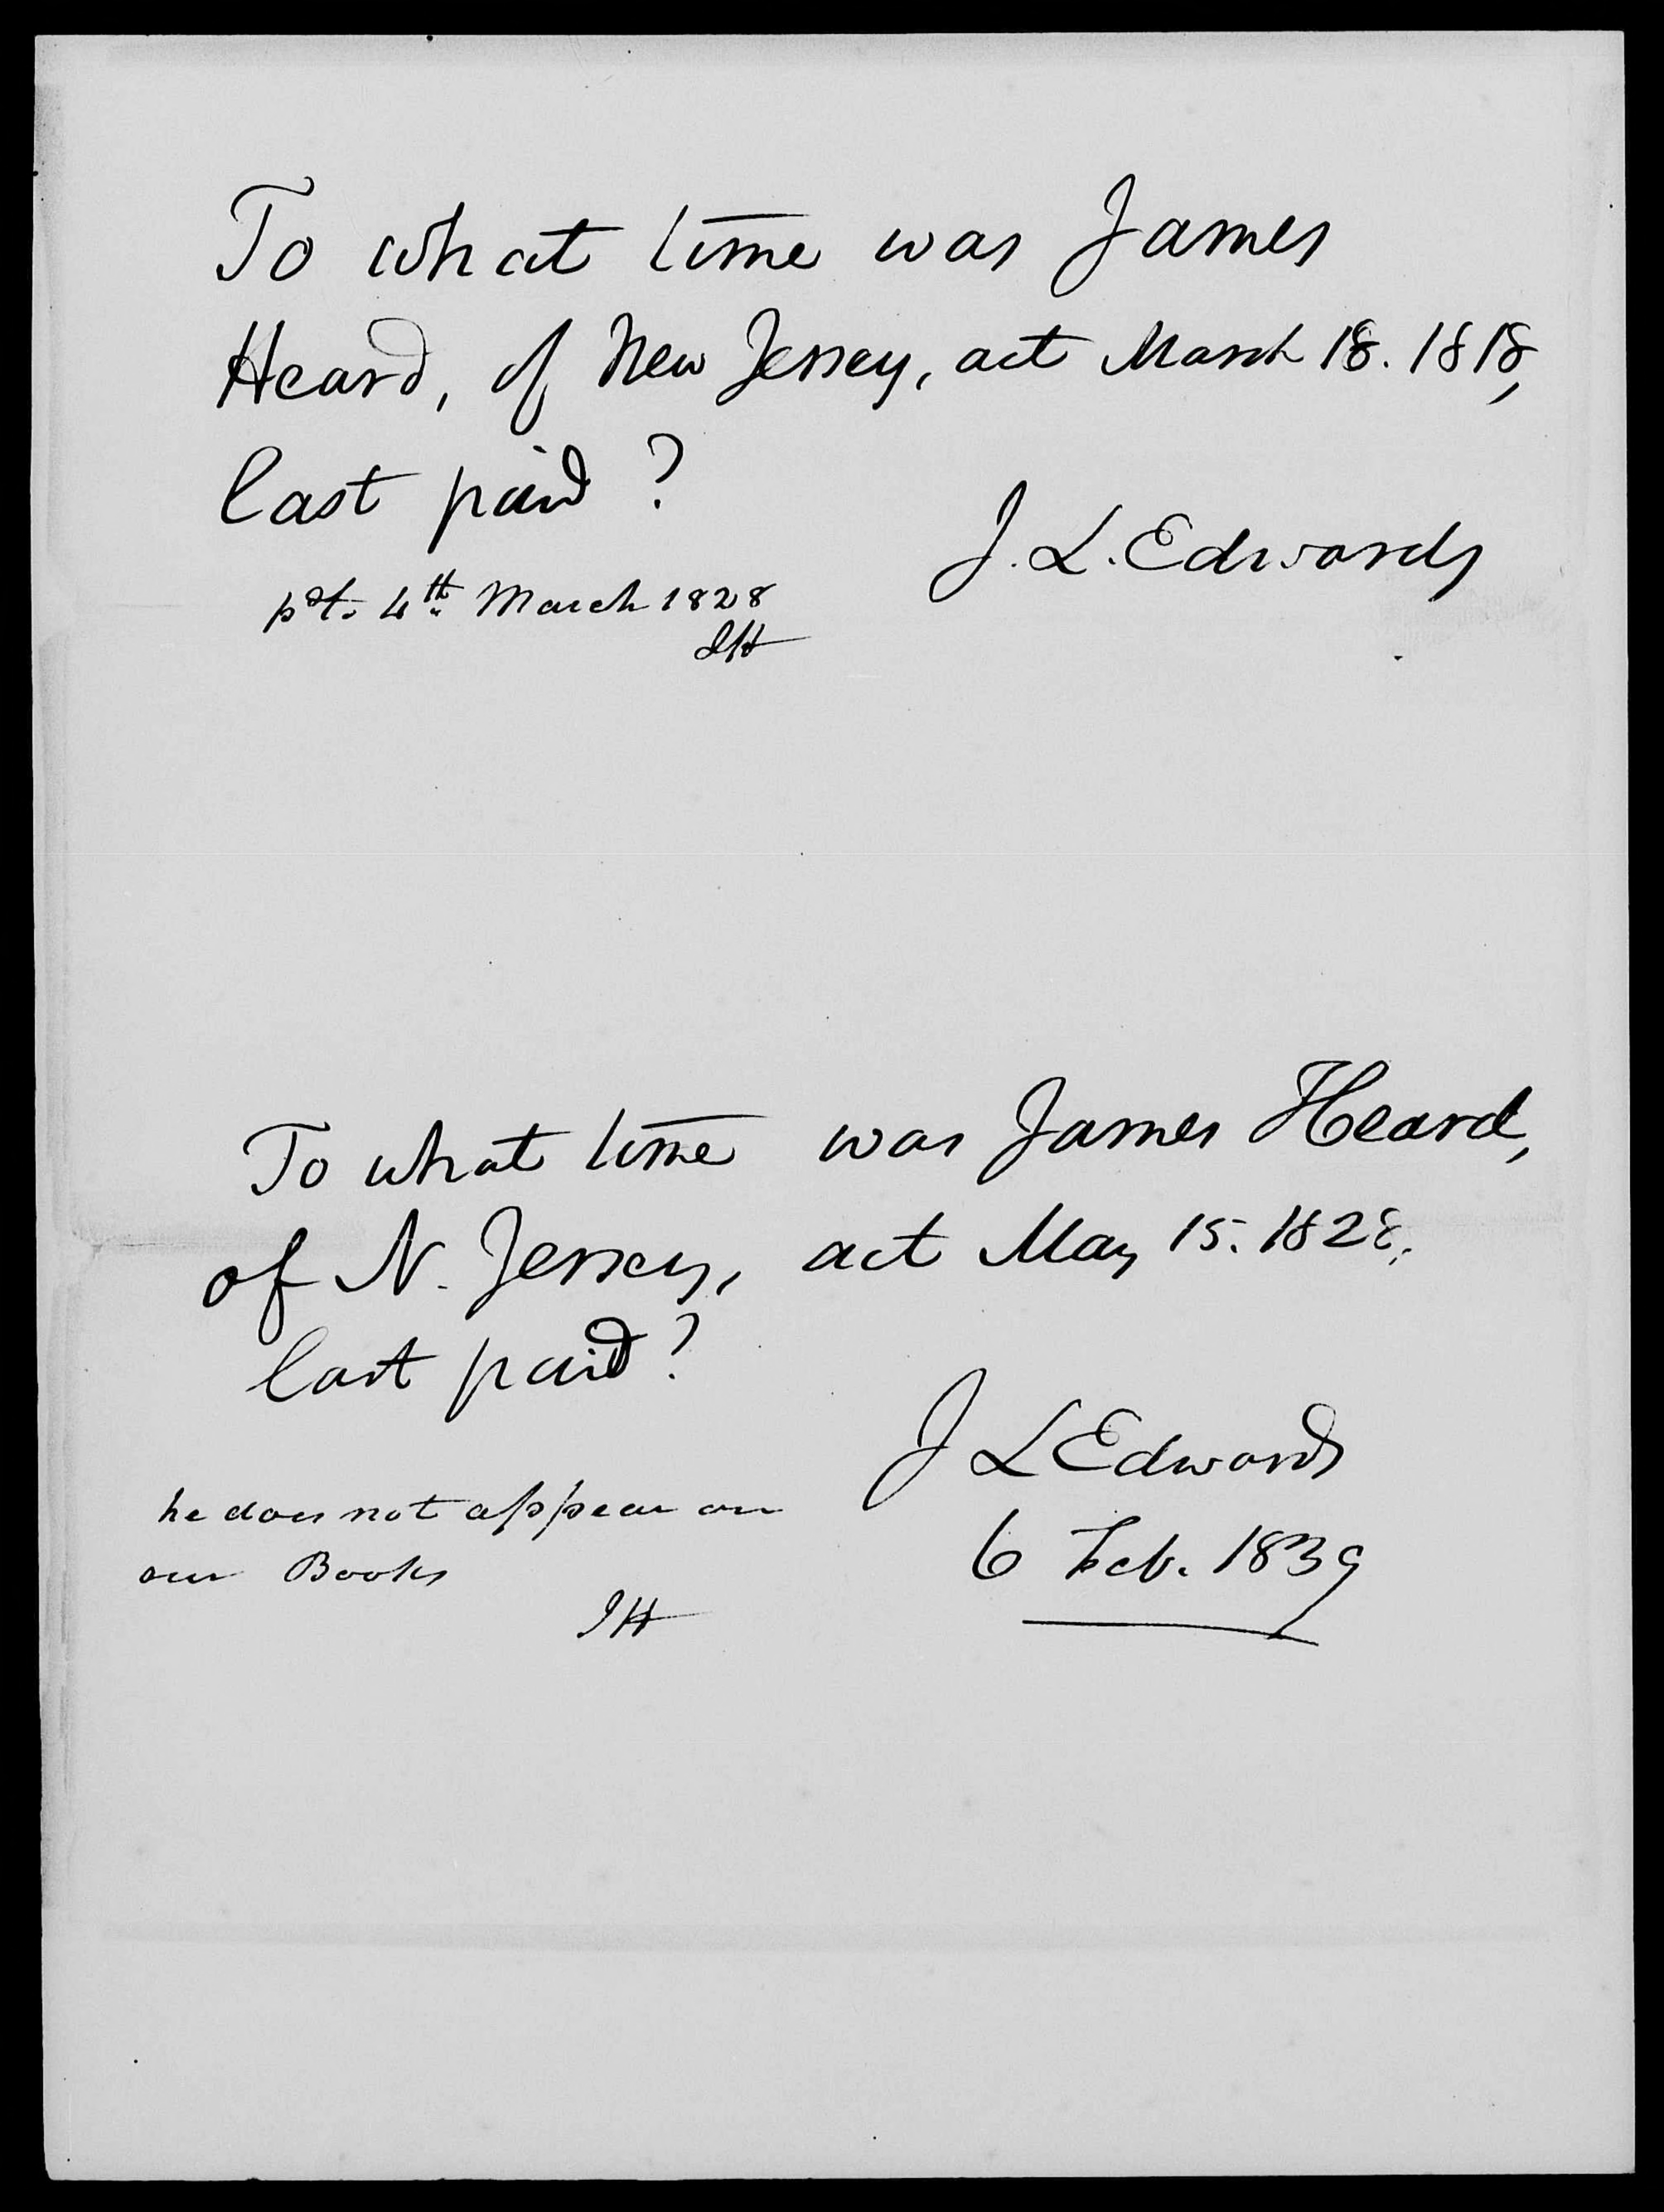To what time was James Heard, of New Jersey, act March 18, 1818, last paid? 
4th March 1818
J. L. Edwards 

To what time was James Heard, of New Jersey, act March 15, 1828, last paid?

He does not appear on our books.
 
6th February 1839
J. L. Edwards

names: J L Edwards, J L Edwards, James Heard, James Heard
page: 56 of 62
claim: survivor's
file: S. 540, James Heard, Continental - New Jersey Residence In 1818